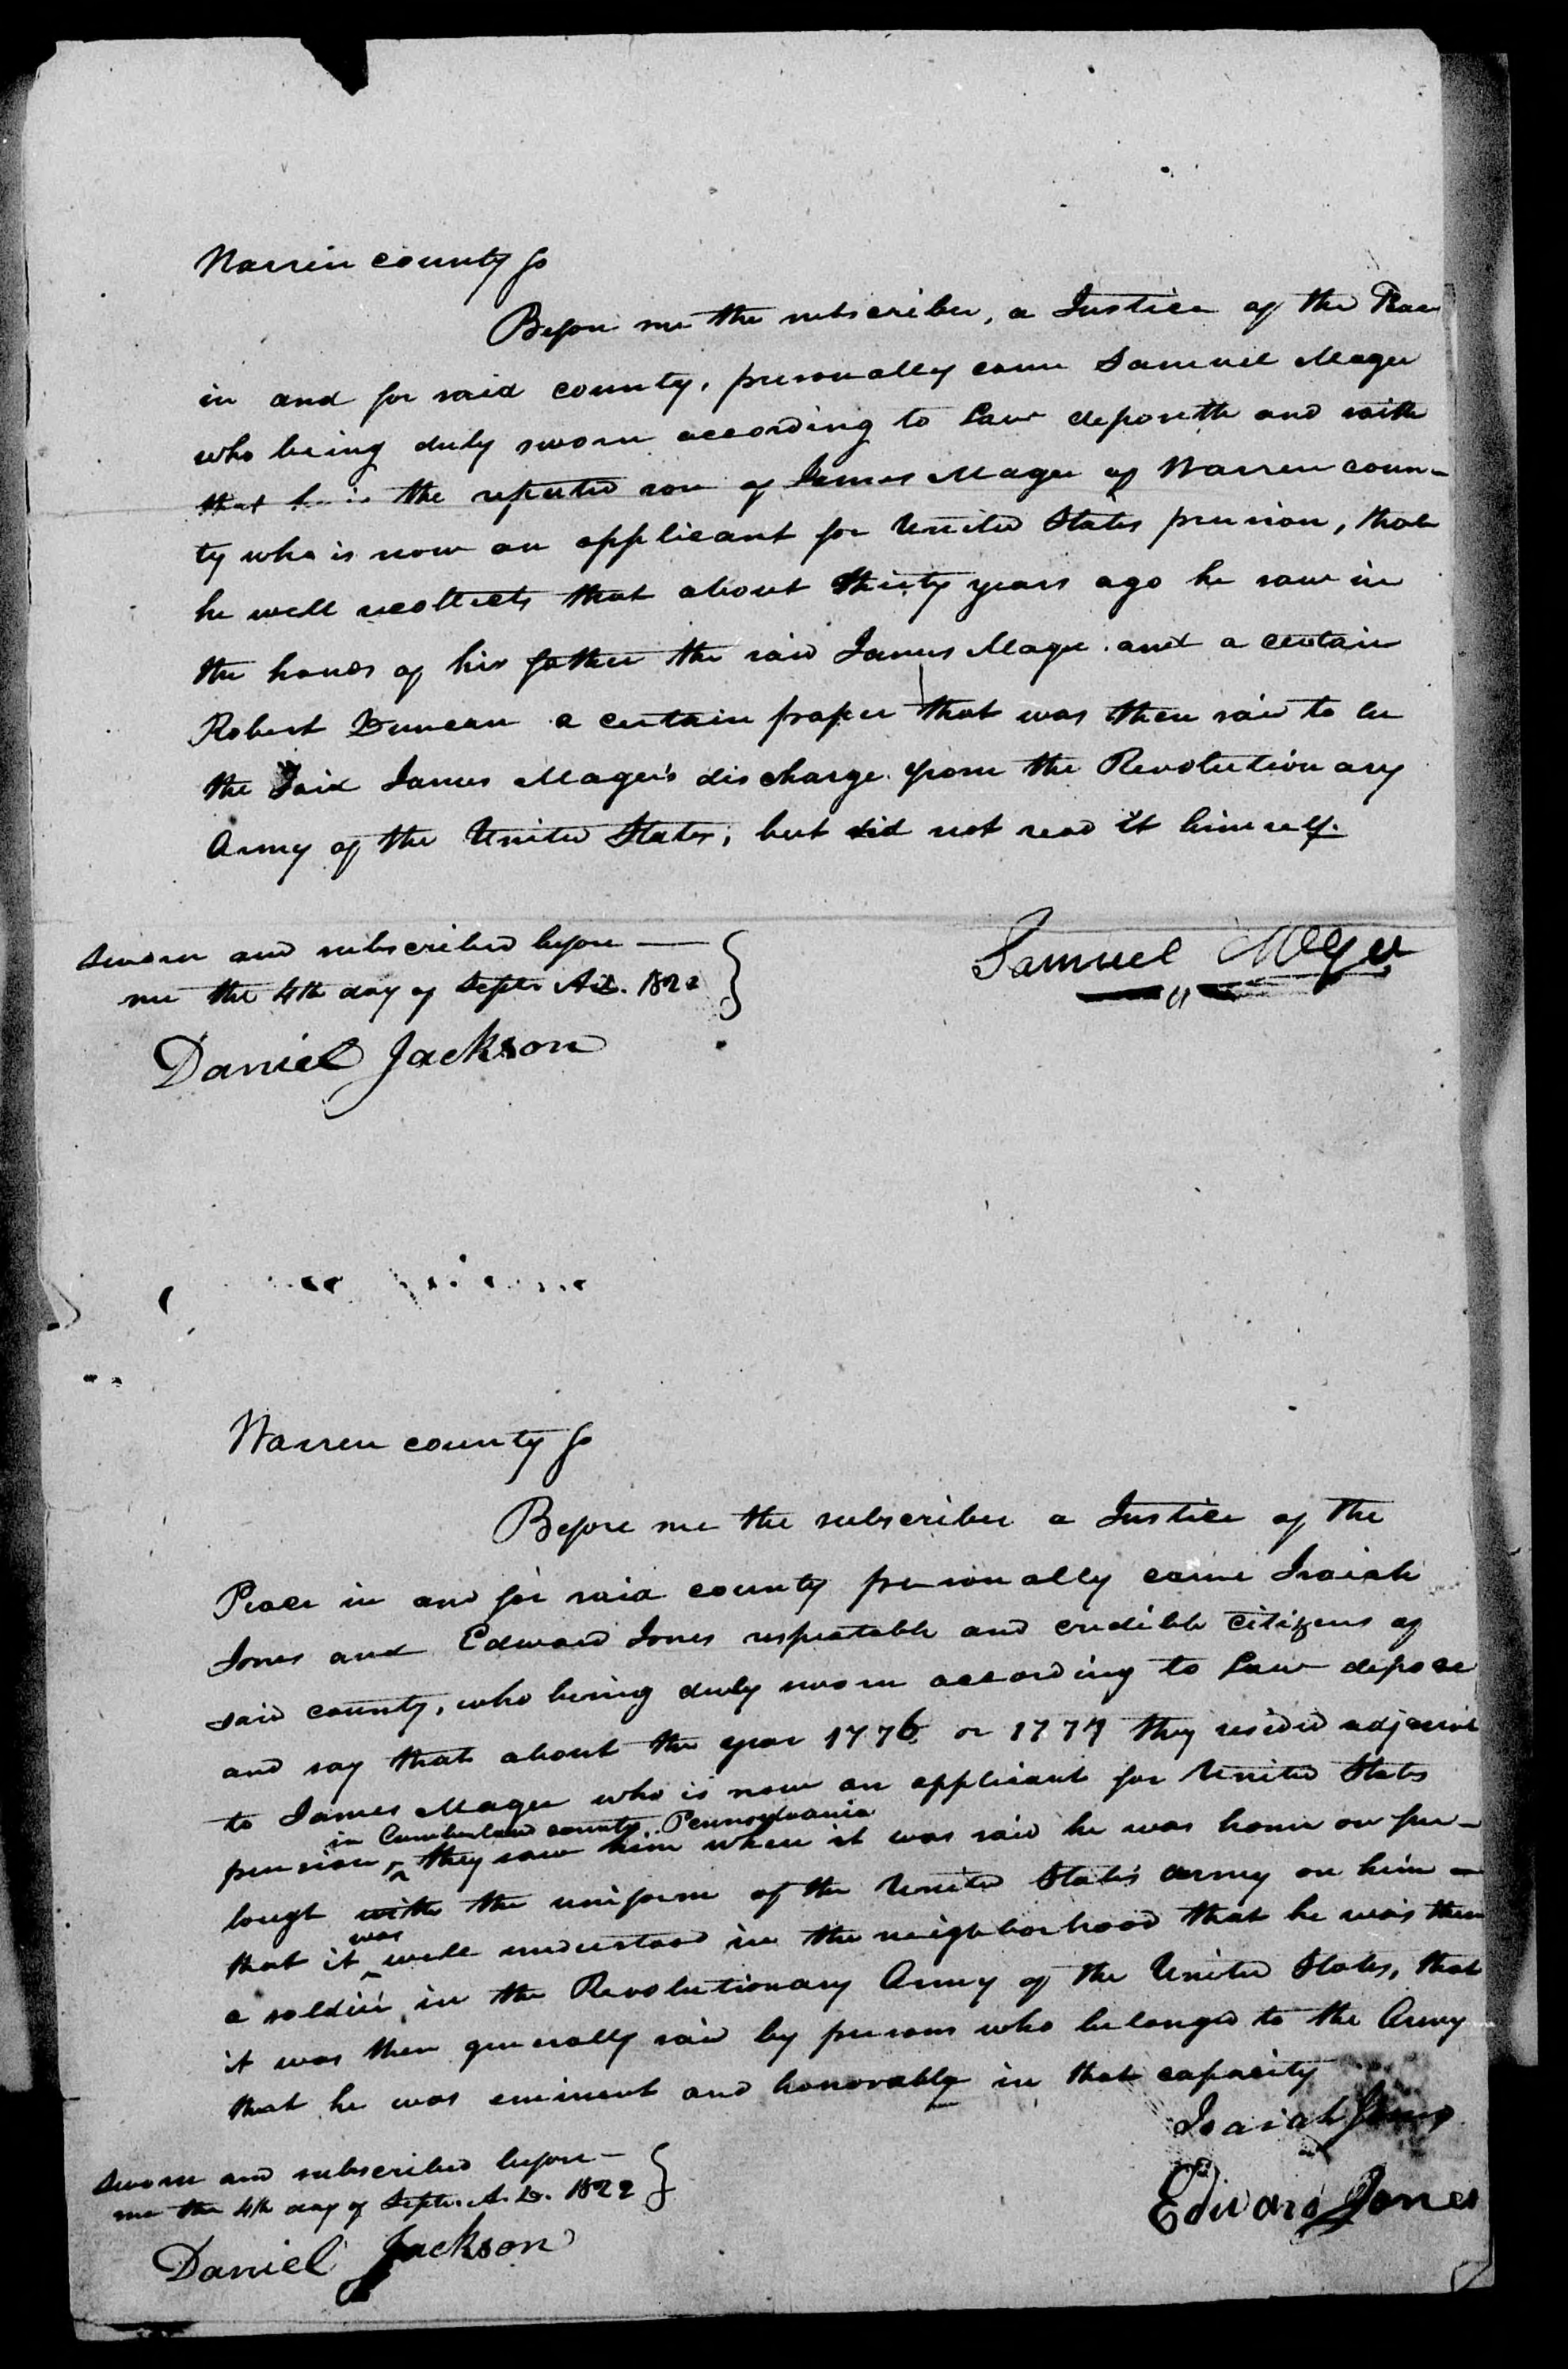Warren County ss 
Before me the subscriber, a Justice of the Peace in and for said County, personally came Samuel Mgee who being duly sworn according to Law deponeth and saith that he is the reputed son of James Mage of Warren County who is now an applicant for United States pension, that he well recollects that about thirty years ago he saw in the hands of his father the said James Mage [illegible] a certain Robert Duncan a certain paper that was then said to be the said James Magee’s discharge from the Revolutionary Army of the United States, but did not read it himself.
Samuel Magee

Sworn and subscribed before }
me the 4th day of Sept AD 1822 }
Daniel Jackson }

Warren County ss 
Before me the subscriber a Justice of the Peace in and for said County personally came Irish Jones and Edward Jones respectable and credible citizens of said County, who being duly sworn according to law depose and say that about the year 1776 or 1777 they resided adjoint to James Magee who is now an applicant for United States pension in Cumberland County, Pennsylvania. They saw him when it was said he was home on furlough with the uniform of the United States army on him and that it was well understood in the neighborhood that he was then a soldier in the Revolutionary Army of the United States, that it was then generally said by persons who belonged to the Army that he was eminent and honorably in that capacity.
Isaiah Jones
Edward Jones
Sworn and subscribed before }
Me on the 4th day of Sept. A.D. 1822 }
Daniel Jackson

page: 41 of 77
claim: widow's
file: W 2954, for James Mc Gee, Delaware